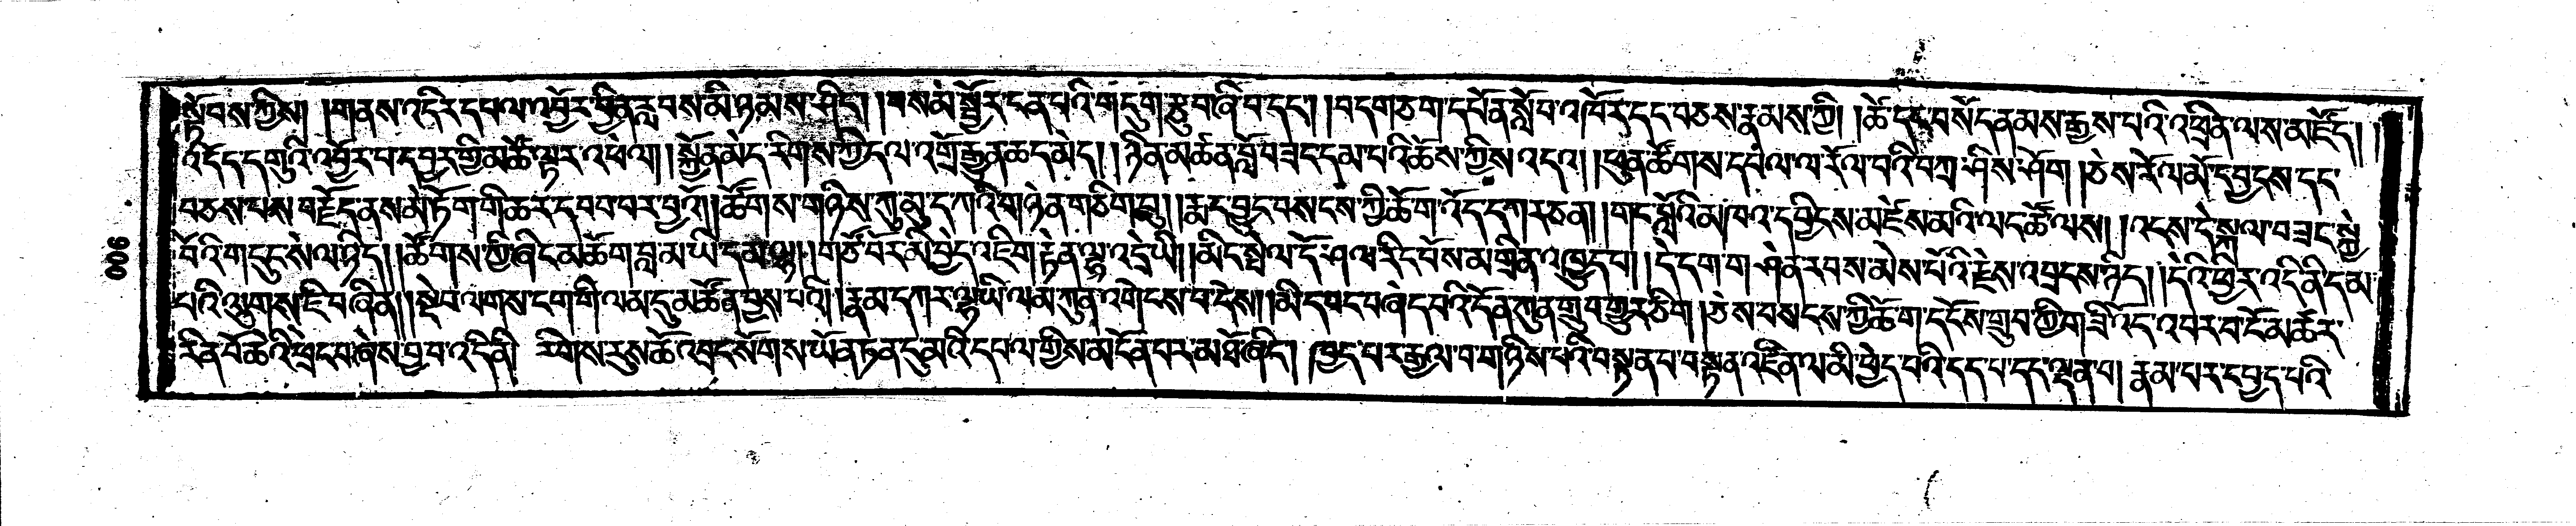སྟོབས་ཀྱིས། །གནས་འདིར་དཔལ་འབྱོར་བྱིན་རླབས་མི་ཉམས་ཤིང་། །བསམ་སྦྱོར་ངན་པའི་གདུག་རྩུབ་ཞི་བ་དང་། །བདག་ཅག་དཔོན་སློབ་འཁོར་དང་བཅས་རྣམས་ཀྱི། །ཚེ་དང་བསོད་ནམས་རྒྱས་པའི་འཕྲིན་ལས་མཛོད།།
འདོད་དགུའི་འབྱོར་པ་དབྱར་གྱི་མཚོ་ལྟར་འཕེལ། །སྐྱོན་མེད་རིགས་ཀྱི་དལ་འགྲོ་རྒྱུན་ཆད་མེད། །ཉིན་མཚན་བློ་བཟང་དམ་པའི་ཆོས་ཀྱིས་འདའ། །ཕུན་ཚོགས་དཔལ་ལ་རོལ་པའི་བཀྲ་ཤིས་ཤོག །ཅེས་རོལ་མོ་དབྱངས་དང་
བཅས་པས་བརྗོད་ནས་མེ་ཏོག་གི་ཆར་དབབ་པར་བྱའོ། །ཚོགས་གཉིས་ཀུ་མུ་ད་ཀའི་གཉེན་གཅིག་པུ། །རྨད་བྱུང་བསངས་ཀྱི་ཆོ་ག་འོད་དཀར་ཅན། །གང་བློའི་མཁའ་དབྱིངས་མཛེས་མའི་ལང་ཚོ་ལས། །འོངས་དེ་སྐལ་བཟང་སྐྱེ་
བོའི་གདུང་སེལ་ཉིད། །ཚོགས་ཀྱི་ཞིང་མཆོག་བླ་མ་ཡི་དམ་ལྷ། །གཙོ་བོར་མི་བྱེད་འཇིག་རྟེན་ལྷ་འདྲེ་ཡི། །མིང་སྤེལ་དོ་ཤལ་རིང་པོས་མགྲིན་འཁྱུད་པ། །དེ་དག་གཤེན་རབས་མེས་པོའི་རྗེས་འབྲངས་ཉིད། །དེའི་ཕྱིར་འདི་ནི་དམ་
པའི་ལུགས་ཇི་བཞིན། །སྡེབ་ལེགས་ངག་གི་ལམ་དུ་མཚོན་བྱས་པའི། །རྣམ་དཀར་ལྷ་ཡི་ལམ་ཀུན་འགེངས་པ་དེས། །མི་དབང་བཞེད་པའི་དོན་ཀུན་གྲུབ་གྱུར་ཅིག །ཅེས་བསངས་ཀྱི་ཆོ་ག་དངོས་གྲུབ་ཀྱི་གཟི་འོད་འབར་བ་ངོ་མཚར་
རིན་པོ་ཆེའི་ཕྲེང་བ་ཞེས་བྱ་བ་འདི་ནི། རིགས་རུས་ཆོ་འབྲང་སོགས་ཡོན་ཏན་དུ་མའི་དཔལ་གྱིས་མངོན་པར་མཐོ་ཞིང་། ཁྱད་པར་རྒྱལ་བ་གཉིས་པའི་བསྟན་པ་བསྟན་འཛིན་ལ་མི་ཕྱེད་པའི་དད་པ་དང་ལྡན་པ། རྣམ་པར་དཔྱད་པའི་